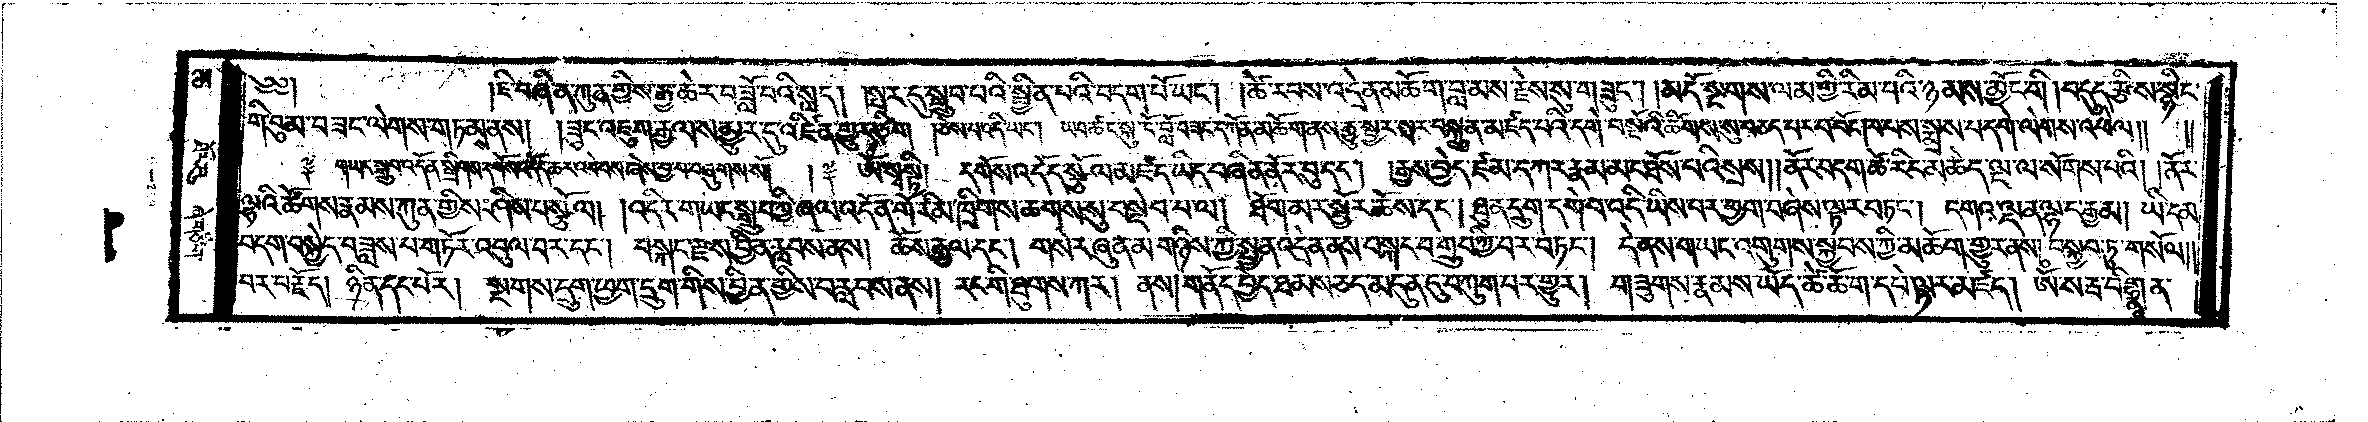༄༅། །ཇི་བཞིན་ཀུན་གྱིས་རྒྱ་ཆེར་བཟློ་བའི་སླད། །སྤར་དུ་སྒྲུབ་པའི་སྦྱིན་པའི་བདག་པོ་ཡང་། །ཚེ་རབས་འདྲེན་མཆོག་བླ་མས་རྗེས་སུ་གཟུང་། །མདོ་སྔགས་ལམ་གྱི་རིམ་པའི་ཉམས་མྱོང་གི །བདུད་རྩིས་སྙིང་
གི་བུམ་བཟང་ལེགས་གཏམས་ནས། །ཟུང་འཇུག་རྒྱལ་ས་མྱུར་དུ་འཛིན་གྱུར་ཅིག །ཅེས་པ་འདི་ཡང་། ཡབ་ཚང་སྐུ་ངོ་བློ་བཟང་དཀོན་མཆོག་ནས་རྒྱུ་སྦྱར་སྤར་བསྐྲུན་མཛད་པའི་དགེ་བསྤོའི་ཚིགས་སུ་བཅད་པར་བ་བོང་ཁ་པས་སྨྲས་པ་དེ་ལེགས་འཕེལ།། །།
༈ གཡང་སྒྲུབ་འདོན་སྒྲིགས་དགོས་འདོད་ཆར་འདེབས་ཞེས་བྱ་བ་བཞུགས་སོ། ༈ ཨོཾ་སྭསྟི། དགོས་འདོད་སྩོལ་མཛད་ཡིད་བཞིན་ནོར་བུ་དང་། །རྒྱས་བྱེད་ཛ་མ་དཀར་རྣམ་མང་ཐོས་བའི་སྲས། །ནོར་བདག་ཚེ་རིང་མཆེད་ལྔ་ལ་སོགས་བའི། །ནོར་
ལྷའི་ཚོགས་རྣམས་ཀུན་གྱིས་ཤིས་བ་སྩོལ། །འདིར་གཡང་སྒྲུབ་ཀྱི་ཞལ་འདོན་གོ་རིམ་ཁྲིགས་ཆགས་སུ་བསྡེབ་པ་ལ། ཐོག་མར་སྦྱོར་ཆོས་དང་། ཐུན་དྲུག་དགེ་བ་འདི་ཡིས་བར་ཕྱག་བཞེས་ལྟར་བཏང་། དགའ་ལྡན་ལྷ་ང་རྒྱལ། ཡི་དམ་
བདག་བསྐྱེད་བཟླས་པ་གཏོར་འབུལ་བར་དང་། བསྐང་རྫས་བྱིན་རླབས་ནས། ཆོས་རྒྱལ་དང་། གསེར་ཞུན་མ་གཉིས་ཀྱི་སྤྱན་འདྲེན་ནས་བསྐང་བ་གྲུབ་ཀྱི་བར་བཏང་། དེ་ནས་གཡང་འགུགས་སྐྱབས་ཀྱི་མཆོག་གྱུར་ནས། བསྐྱབ་ཏུ་གསོལ།།
བར་བརྗོད། ཉིན་དང་པོར། སྔགས་དྲུག་ཕྱག་དྲུག་གིས་བྱིན་གྱིས་བརླབས་ནས། རང་གི་ཐུགས་ཀར། ནས། གནོད་བྱེད་ཐམས་ཅད་མདུན་དུ་བཀུག་པར་གྱུར། གཟུགས་རྣམས་ཡོད་ཚེ་ཆོ་ག་དཔེ་ལྟར་མཛད། ཨོཾ་སརྦ་བིགྷྣཱ་ན་